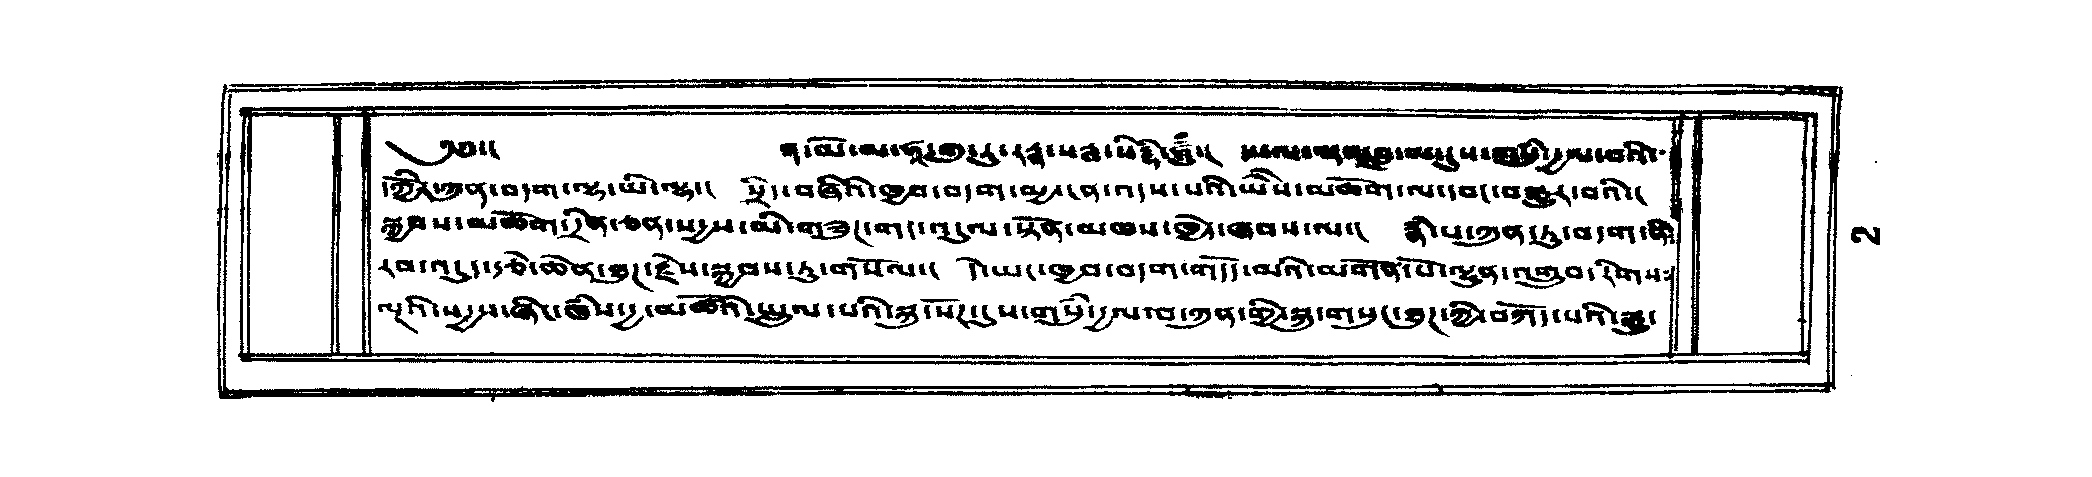ན་མོ་མ་ཧཱ་གུ་རུ་རཏྣ་སརྦ་སིདྡྷི་ཧཱུྃ། དཔལ་ལྡན་བླ་མ་དུས་གསུམ་རྒྱལ་བའི་
དཀྱིལ་འཁོར་ཀུན་བདག་ལྷ་ཡི་ལྷ། །སྲིད་ཞིའི་ཁྱབ་བདག་མྱ་ངན་འདས་པའི་ཡེ་ཤེས་མཆོག་ལ་དབང་བསྒྱུར་བའི། །
སྐྱབས་མཆོག་དྲིན་ཅན་སངས་རྒྱས་མི་གཟུགས་གང་འདུལ་སྟོན་མཁས་ཁྱེད་ཞབས་ལ། །རྣམ་པ་ཀུན་ཏུ་བདག་ནི་
རབ་འདུད་རྩེ་ཆེན་ཐུགས་རྗེས་སྐྱབས་ཏུ་གསོལ། དེ་ཡང་ཁྱབ་བདག་གདོད་མའི་མགོན་པོ་ལྷུན་གྲུབ་རིགས་
ལྔའི་སངས་རྒྱས་ཞིང་ཁམས་རྒྱ་མཚོའི་སྤྲུལ་པའི་སྐུ་སོགས་དུས་གསུམ་རྒྱལ་བ་ཀུན་གྱི་སྐུ་གསུང་ཐུགས་ཀྱི་བཀོད་པའི་སྒྱུ་